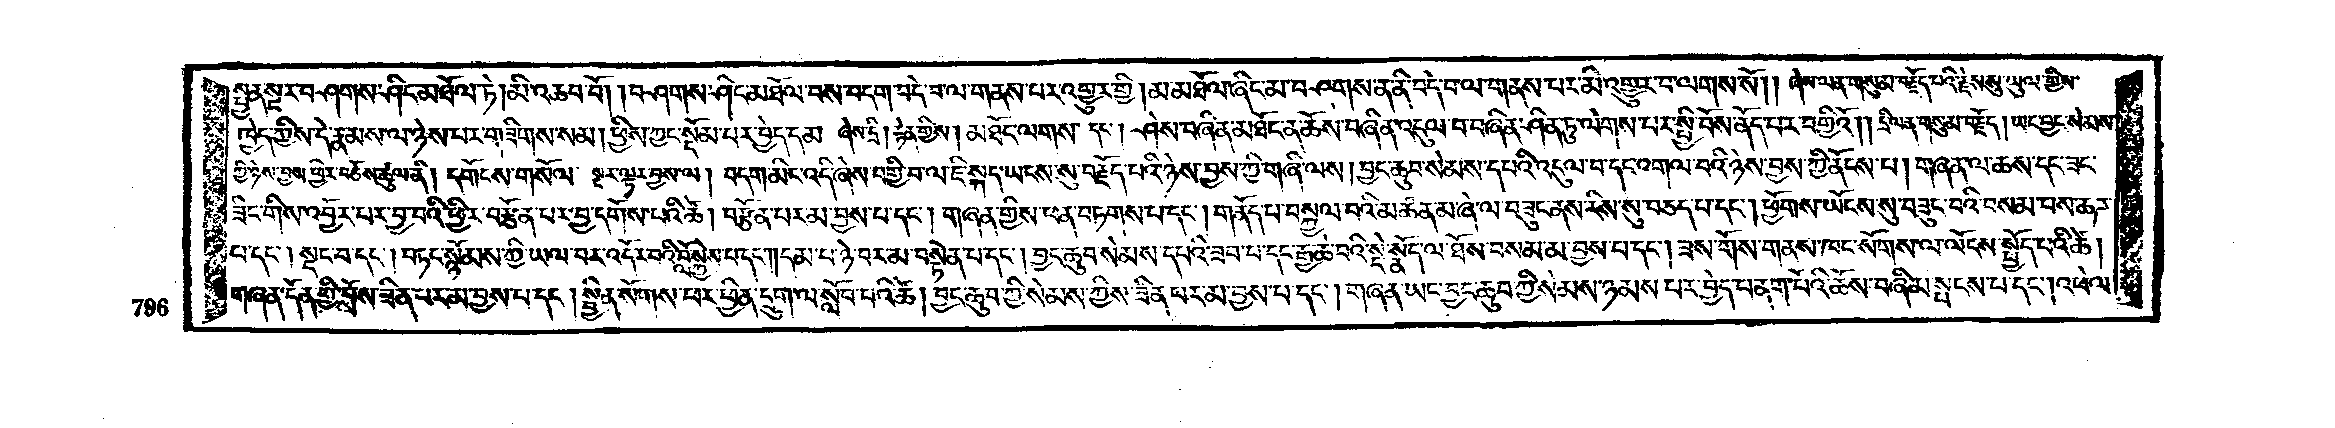སྤྱན་སྔར་བཤགས་ཤིང་མཐོལ་ཏེ། མི་འཆབ་བོ། །བཤགས་ཤིང་མཐོལ་བས་བདག་བདེ་བ་ལ་གནས་པར་འགྱུར་གྱི་།མ་མཐོལ་ཞིང་མ་བཤགས་ན་ནི་བདེ་བ་ལ་གནས་པར་མི་འགྱུར་བ་ལགས་སོ། ། ཞེས་ལན་གསུམ་བརྗོད་པའི་རྗེས་སུ་ཡུལ་གྱིས
ཁྱོད་ཀྱིས་དེ་རྣམས་ལ་ཉེས་པར་གཟིགས་སམ། ཕྱིས་ཀྱང་སྡོམ་པར་བྱེད་དམ་ཞེས་དྲི། རྟེན་གྱིས།  མཐོང་ལགས་དང་།  ཤེས་བཞིན་མཐོང་ན་ཆོས་བཞིན་འདུལ་བ་བཞིན་ཤིན་ཏུ་ལེགས་པར་སྤྱི་བོས་ནོད་པར་བགྱིའོ། །དྲི་ལན་གསུམ་བརྗོད། ཡང་བྱང་སེམས་
ཀྱི་ཉེས་བྱས་ཕྱིར་བཅོས་ཚུལ་ནི། དགོངས་གསོལ་སྔར་ལྟར་བྱས་ལ།  བདག་མིང་འདི་ཞེས་བགྱི་བ་ལ་ཇི་སྐད་ཡོངས་སུ་བརྗོད་པའི་ཉེས་བྱས་ཀྱི་གཞི་ལས། བྱང་ཆུབ་སེམས་དཔའི་འདུལ་བ་དང་འགལ་བའི་ཉེས་བྱས་ཀྱི་ནོངས་པ། གཞན་ལ་ཆོས་དང་ཟང་
ཟིང་གིས་འབྱོར་པར་བྱ་བའི་ཕྱིར་བརྩོན་པར་བྱ་དགོས་པའི་ཚེ། བརྩོན་པར་མ་བྱས་པ་དང་། གཞན་གྱིས་ཕན་བཏགས་པ་དང་། གནོད་པ་བསྐྱལ་བའི་མཚན་མ་ཞེ་ལ་བཟུང་ནས་རིས་སུ་བཅད་པ་དང་། ཕྱོགས་ཡོངས་སུ་བཟུང་བའི་བསམ་པས་ཆགས་
པ་དང་། སྡང་བ་དང་། བཏང་སྙོམས་ཀྱི་ཡལ་བར་འདོར་བའི་བློ་སྐྱེས་པ་དང་། །དམ་པ་ཉེ་བར་མ་བསྟེན་པ་དང་། བྱང་ཆུབ་སེམས་དཔའི་ཟབ་པ་དང་རྒྱ་ཆེ་བའི་སྡེ་སྣོད་ལ་ཐོས་བསམ་མ་བྱས་པ་དང་། ཟས་གོས་གནས་ཁང་སོགས་ལ་ལོངས་སྤྱོད་པའི་ཚེ།
གཞན་དོན་གྱི་བློས་ཟིན་པར་མ་བྱས་པ་དང་། སྦྱིན་སོགས་ཕར་ཕྱིན་དྲུག་ལ་སློབ་པའི་ཚེ། བྱང་ཆུབ་ཀྱི་སེམས་ཀྱིས་ཟིན་པར་མ་བྱས་པ་དང་། གཞན་ཡང་བྱང་ཆུབ་ཀྱི་སེམས་ཉམས་པར་བྱེད་པ་ནག་པོའི་ཆོས་བཞི་མ་སྤངས་པ་དང་། འཕེལ་